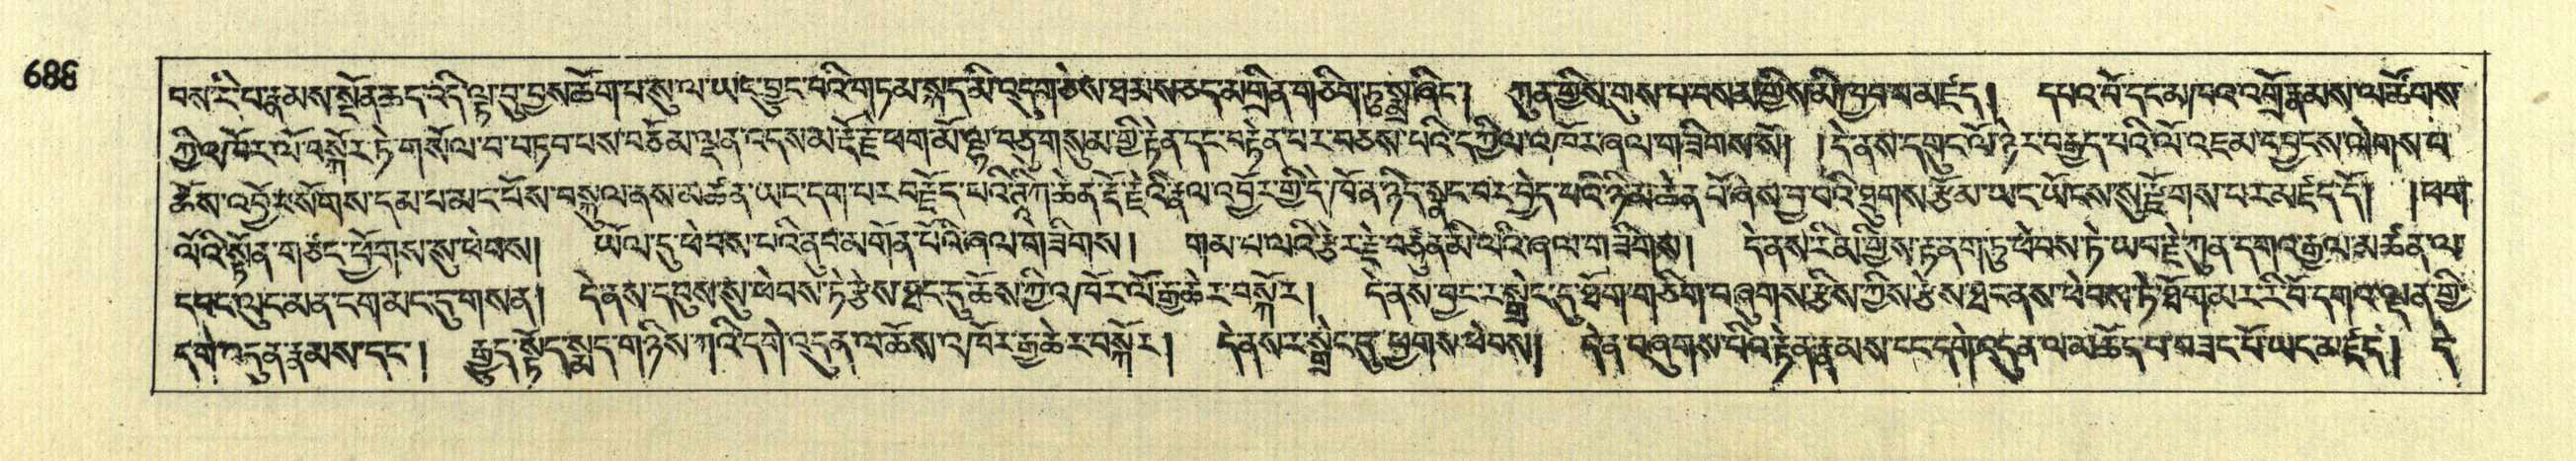བས་རི་པ་རྣམས་སྔོན་ཆད་འདི་ལྟ་བུ་བྱས་ཆོ་ག་པ་སུ་ལ་ཡང་བྱུང་བའི་གཏམ་སྐད་མི་འདུག་ཅེས་ཐམས་ཅད་མགྲིན་གཅིག་ཏུ་སྨྲ་ཞིང་། ཀུན་གྱིས་གུས་པ་བསམ་གྱིས་མི་ཁྱབ་བ་མཛད། དཔའ་བོ་དང་མཁའ་འགྲོ་རྣམས་ལ་ཚོགས་
ཀྱི་འཁོར་ལོ་བསྐོར་ཏེ་གསོལ་བ་བཏབ་པས་བཅོམ་ལྡན་འདས་མ་རྡོ་རྗེ་ཕག་མོ་ལྷ་བཅུ་གསུམ་གྱི་རྟེན་དང་བརྟེན་པར་བཅས་པའི་དཀྱིལ་འཁོར་ཞལ་གཟིགས་སོ། །དེ་ནས་དགུང་ལོ་ཉེར་བརྒྱད་པའི་འཇམ་དབྱངས་ལེགས་པ་
ཆོས་འབྱོར་སོགས་དམ་པ་མང་པོས་བསྐུལ་ནས་མཚན་ཡང་དག་པར་བརྗོད་པའི་ཊཱི་ཀ་ཆེན་རྡོ་རྗེའི་རྣལ་འབྱོར་གྱི་དེ་ཁོ་ན་ཉིད་སྣང་བར་བྱེད་པའི་ཉི་མཚན་ཆེན་པོ་ཞེས་བྱ་བའི་ཐུགས་རྩོམ་ཡང་ཡོངས་སུ་རྫོགས་པར་མཛད་དོ། །ཕག་
ལོའི་སྟོན་གཙང་ཕྱོགས་སུ་ཕེབས། ཡོལ་དུ་ཕེབས་པའི་ནུབ་མགོན་པོའི་ཞལ་གཟིགས། གམ་པ་ལའི་རྩེར་རྗེ་བཙུན་མི་ལའི་ཞལ་གཟིགས། དེ་ནས་རིམ་གྱིས་རྟ་ནག་ཏུ་ཕེབས་ཏེ་ཡབ་རྗེ་ཀུན་དགའ་རྒྱལ་མཚན་ལ་
དབང་ལུང་མན་ངག་མང་དུ་གསན། དེ་ནས་དབུས་སུ་ཕེབས་ཏེ་རྩེ་ཐང་དུ་ཆོས་ཀྱི་འཁོར་ལོ་རྒྱ་ཆེར་བསྐོར། དེ་ནས་བྱང་སྒྲེང་དུ་ཐོག་གཅིག་བཞུགས་རྩིས་ཀྱིས་རྩིས་ཐང་ནས་ཕེབས་ཏེ་ཐོག་མར་རི་བོ་དགའ་ལྡན་གྱི་
དགེ་འདུན་རྣམས་དང་། རྒྱུད་སྟོད་སྨད་གཉིས་ཀའི་དགེ་འདུན་ལ་ཆོས་འཁོར་རྒྱ་ཆེར་བསྐོར། དེ་ན་སར་སྒྲེང་དུ་ཕྱགས་ཕེབས། དེ་ན་བཞུགས་པའི་རྟེན་རྣམས་དང་དགེ་འདུན་ལ་མཆོད་པ་བཟང་པོ་ཡང་མཛད། དེ་